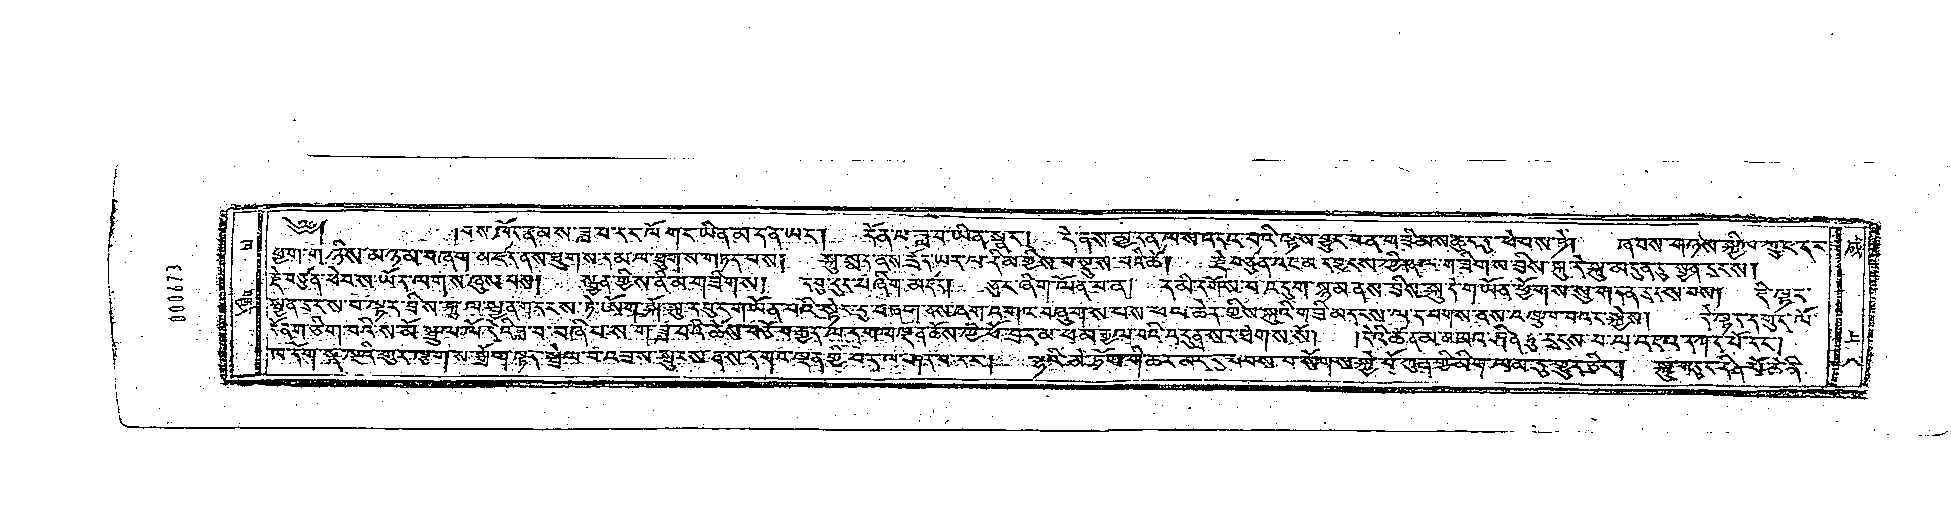༄༅། །བས་ཁོང་རྣམས་ཟླ་བ་དང་ལོ་གང་ཡིན་མ་དན་ཡང་། དོན་ལ་ཟླ་བ་ཡིན་སྣང་། དེ་ནས་མྱ་ངན་ལས་འདའ་བའི་ལྟས་བྱུང་བ་ན་གཟིམས་ཆུང་དུ་ཕེབས་ཏེ། ཞབས་གཉིས་སྐྱིལ་ཀྲུང་དང་
ཕྱག་གཉིས་མཉམ་བཞག་མཛད་ནས་ཐུགས་དམལ་ཐུགས་གཏད་པས། སྐུ་སྨད་ནས་དྲོང་ཡར་ལ་རིམ་གྱིས་བསྡུས་པའི་ཚེ། རྗེ་བཙུན་འཇམ་དབྱངས་ཀྱི་ཞལ་གཟིགས་བྲིས་སྐུ་དེ་སྐུ་མདུན་དུ་སྤྱན་དྲངས།
རྗེ་བཙུན་ཕེབས་ཡོད་ལགས་ཞུས་པས། སྤྱན་གྱིས་ནི་མ་གཟིགས། དབུ་དུད་པ་ཞིག་མཛད། ཅུང་ཞིག་ལོན་པ་ན། ད་མི་དགོས་བ་འདུག་སྙམ་ནས་བྲིས་སྐུ་དེ་གཡོན་ཕྱོགས་སུ་གདན་དྲངས་པས། ཇི་ལྟར་
སྤྱན་དྲངས་པ་ལྟར་བྲིས་སྐུ་ལ་སྤྱན་གདངས་ཏེ་ཨོག་སྐོ་སྐུ་དཔུང་གཡོན་པའི་སྟེང་དུ་བཞག་ནས་ཞག་འགའ་བཞུགས་པས་ཕལ་ཆེར་གྱིས་སྐུའི་གཟི་མདངས་ལ་དཔགས་ནས་འཁྲུལ་བའང་སྐྱེས། དེ་ལྟར་དགུང་ལོ་
དོན་གཅིག་བའི་ས་མོ་སྦྲུལ་ལོ་དེའི་ཟླ་བ་བཞི་པ་ས་ག་ཟླ་བའི་ཚེས་བཅོ་བརྒྱད་ལ་ང་གལ་ལྡན་ཆོས་ཀྱི་ཕོ་བྲང་མ་ཕམ་རྒྱལ་བའི་འདུན་སར་ཐེགས་སོ། །དེའི་ཚེ་ནམ་མཁའ་ཤིན་ཏུ་དྲངས་པ་ལ་འཇའ་དཀར་པོ་དང་།
ཁ་དོག་སྣ་ལྔའི་གུར་ལྕགས་སྒྲོག་ལྟར་སྤྲེལ་བ་འབྲས་སྤུངས་ནས་དགའ་ལྡན་གྱི་བར་ལ་ཤར་བ་དང་། ལྷའི་མེ་ཏོག་གི་ཆར་མང་དུ་བབས་པ་སོགས་སྐྱེ་བོ་ཀུན་གྱི་མིག་ལམ་དུ་གྱུར་ཅིང་། སྐུ་གདུང་རིན་པོ་ཆེ་ནི་